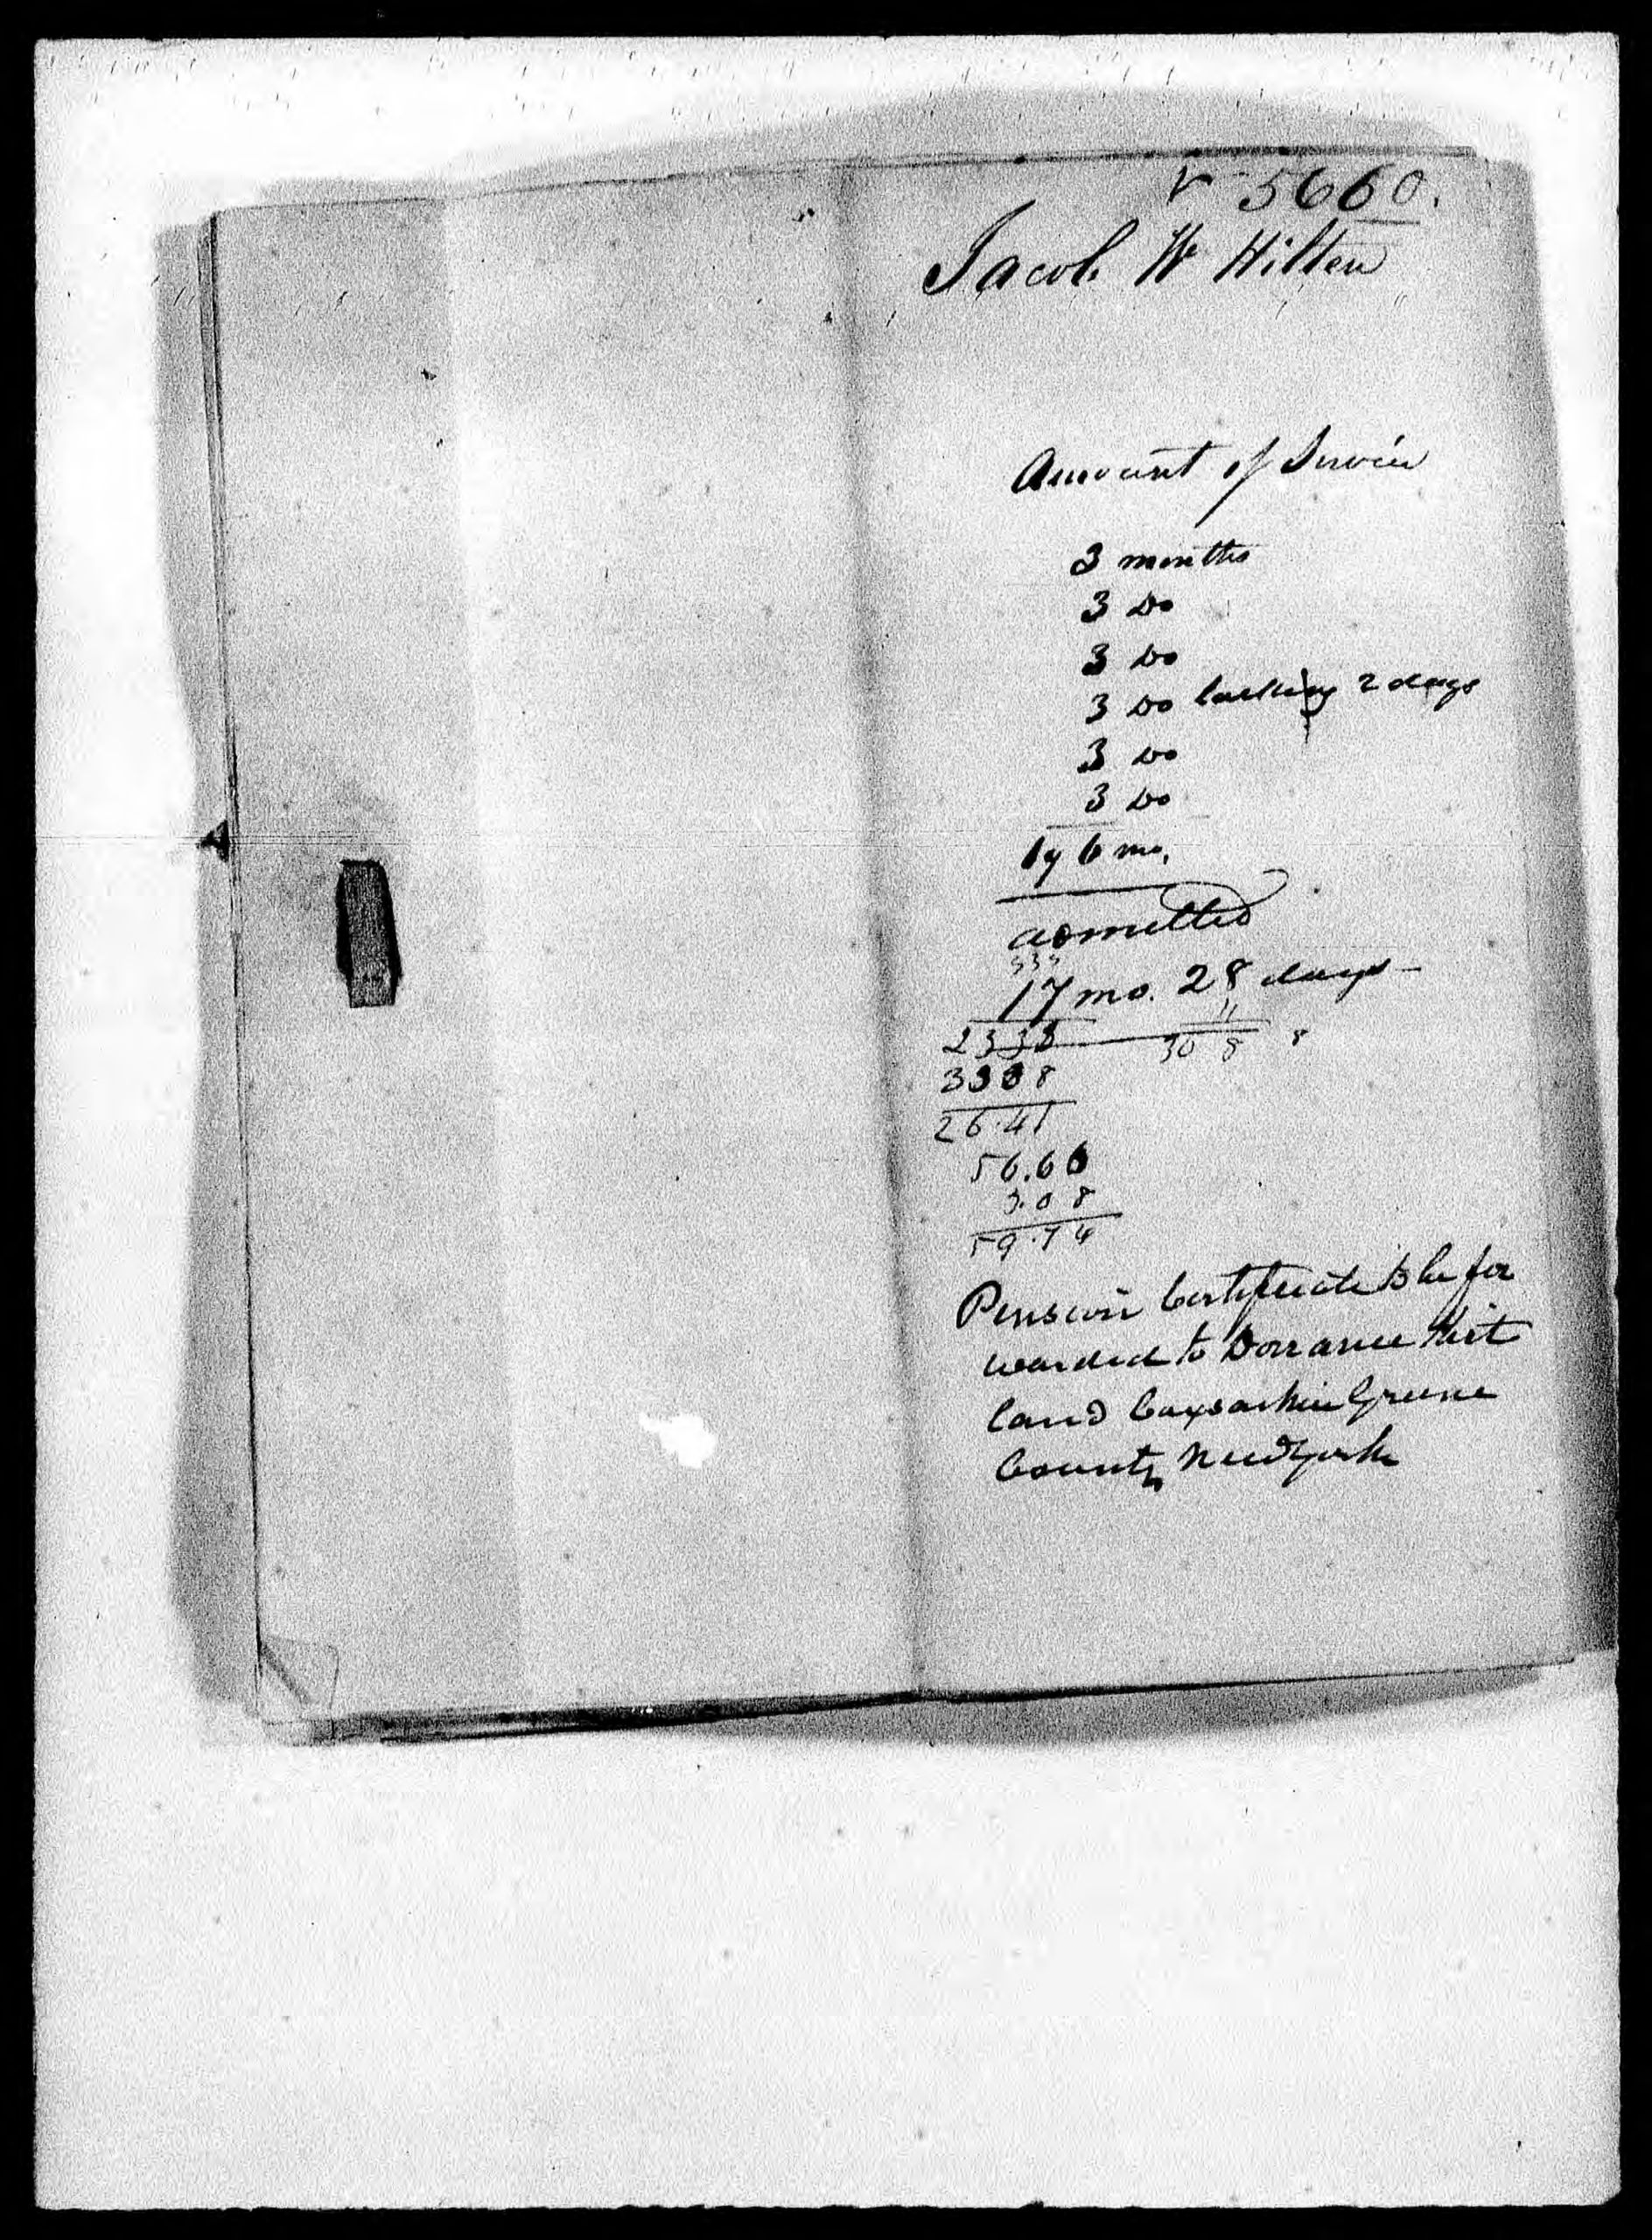V-5660.
Jacob W. Hilten

Amount of Services
3 months
3 mo
3 mo
3 mo, lacking 2 days
3 mo
3 mo
———-
1 y 6 mo
————
admitted
535
17 mo 28 days
_____
2338
                    11
_________________            
3308          30  8     8
———
26.41
56.60
3.08
——-
59.76
Pension certificate to be forwarded 
to Dorrance Kirtland 
Coxsackie Greene County, New York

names: Jacob W Hilton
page: 2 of 48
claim: widow's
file: W. 19788, Jacob W Hilton, New York